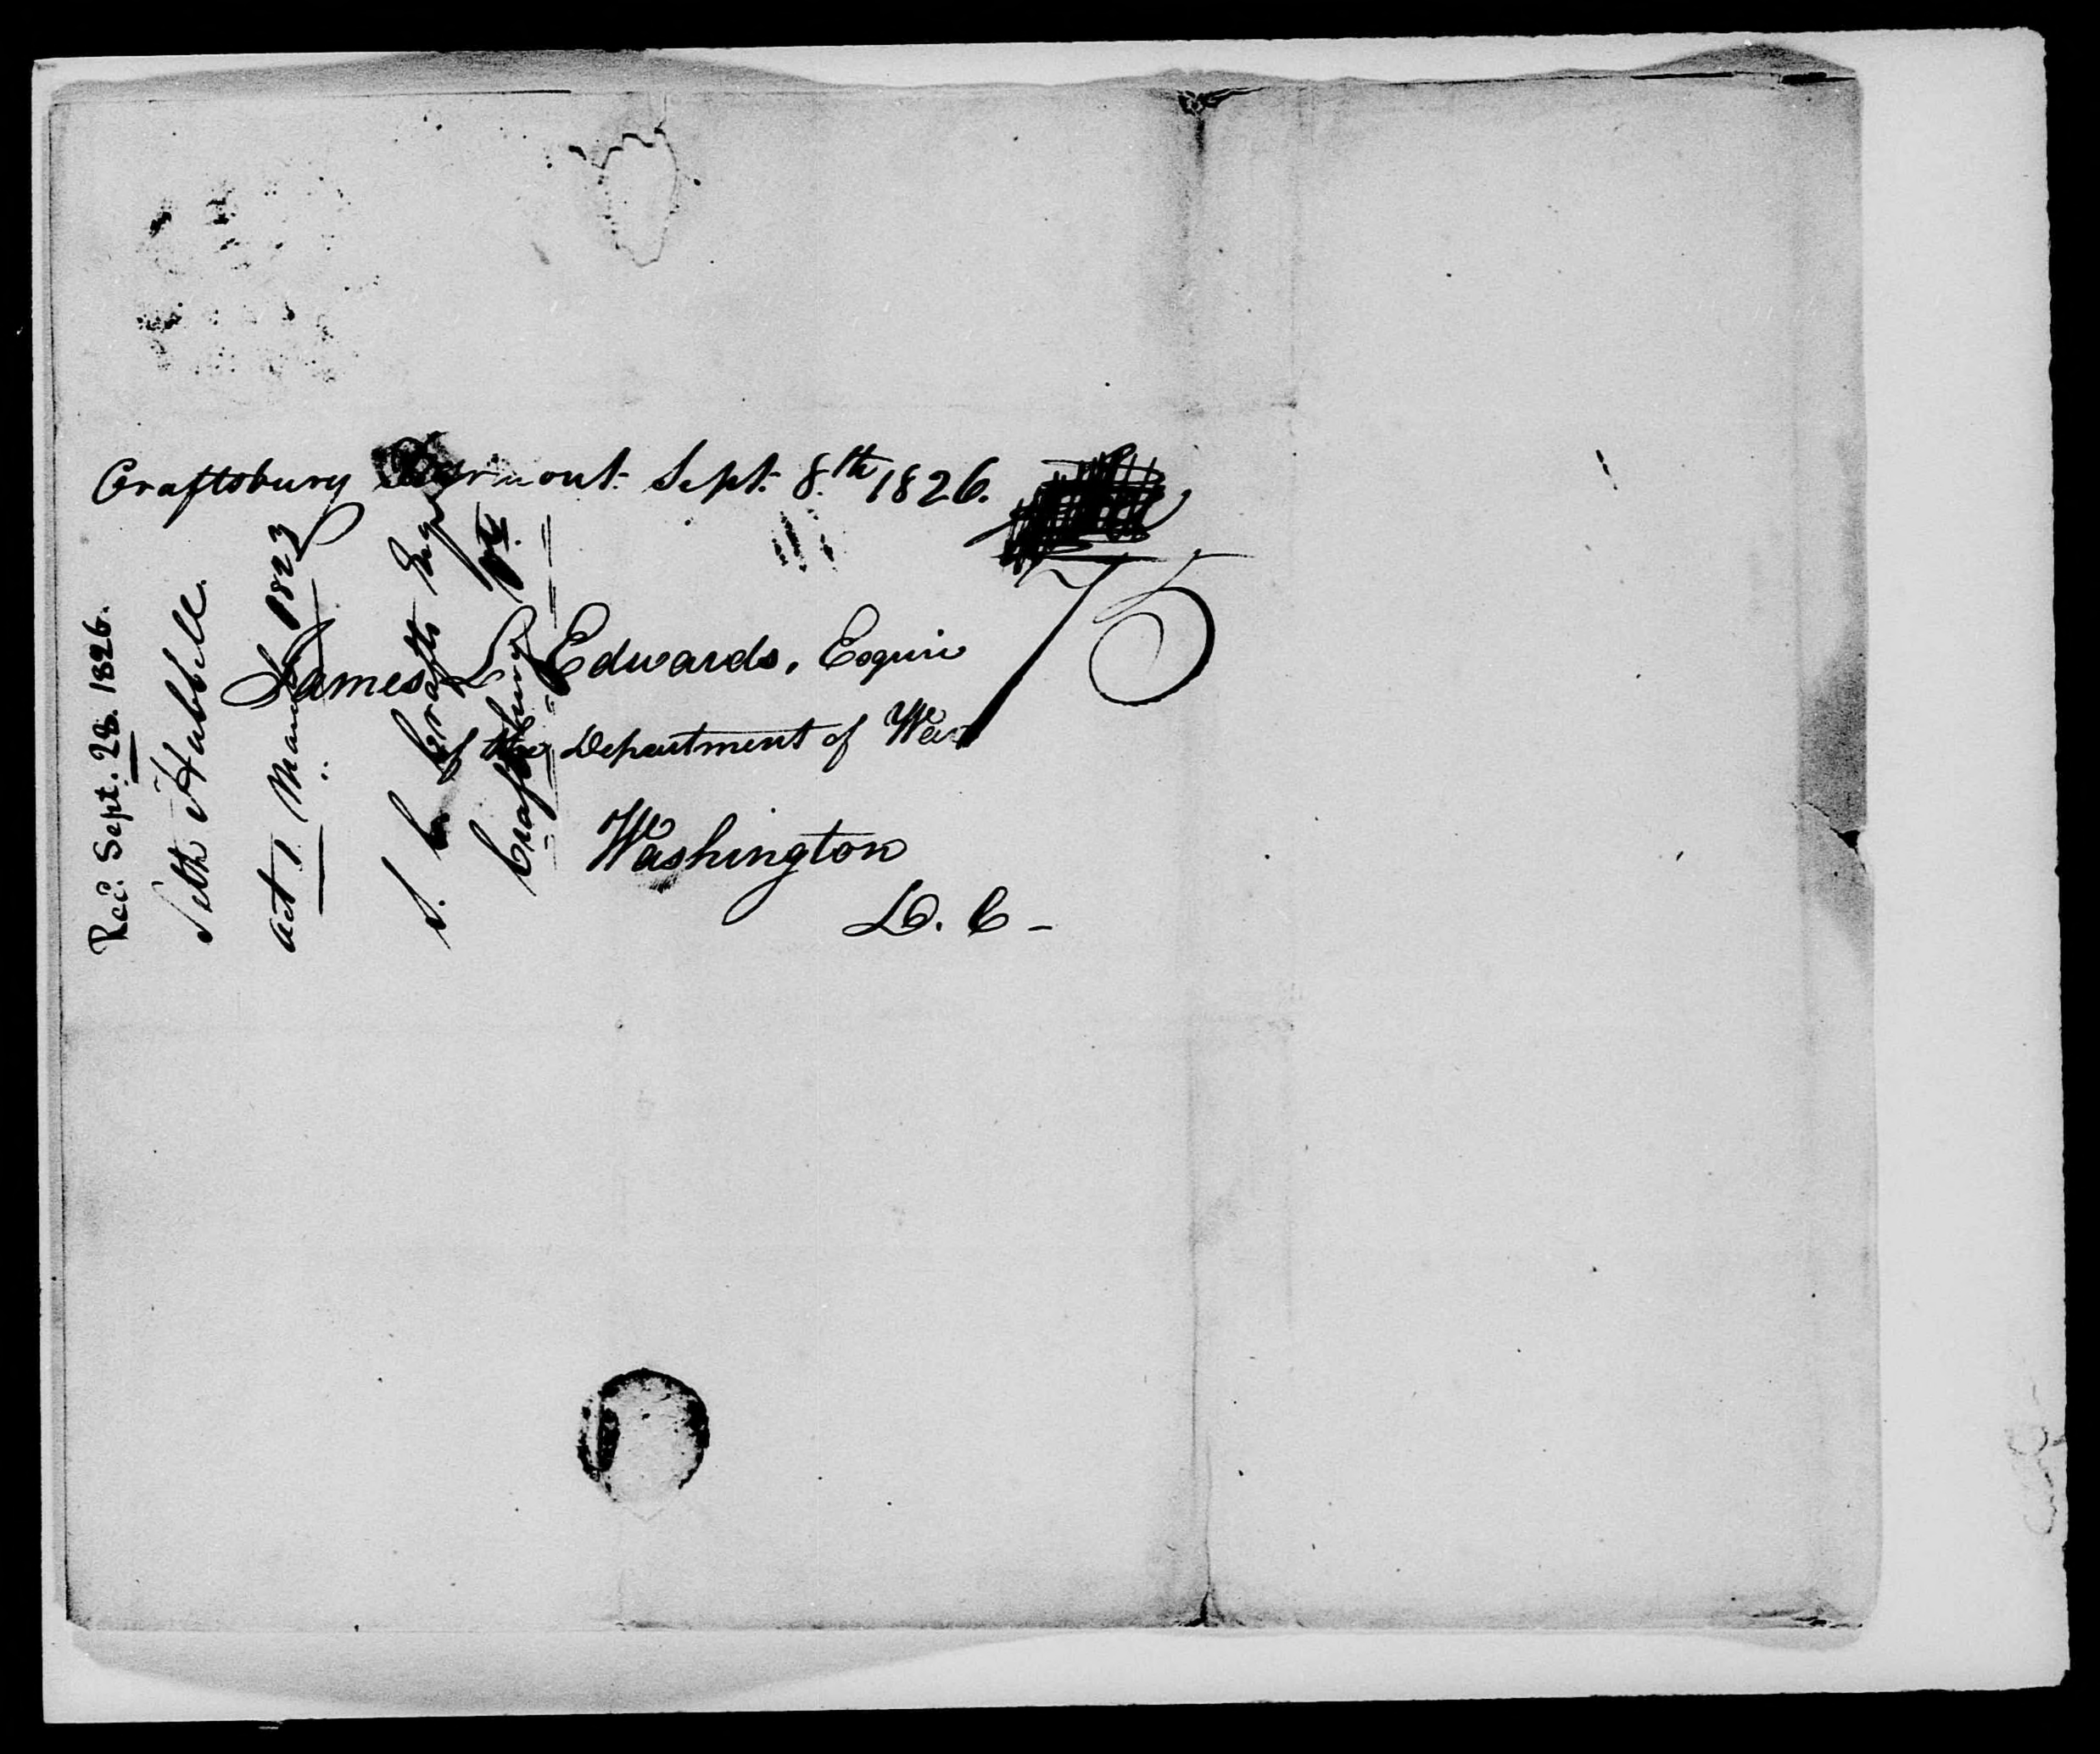Graftsburg out Sept. 8th. 1826
James L Edwards, Esquire
of the Department of War
Washington D.C
75
Rec Sept. 28, 1826
Seth Hubbell
Act 1 March 1823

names: Seth Hubbell, James L Edwards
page: 74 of 114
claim: widow's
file: W. 2115, Seth Hubbell, Conn.